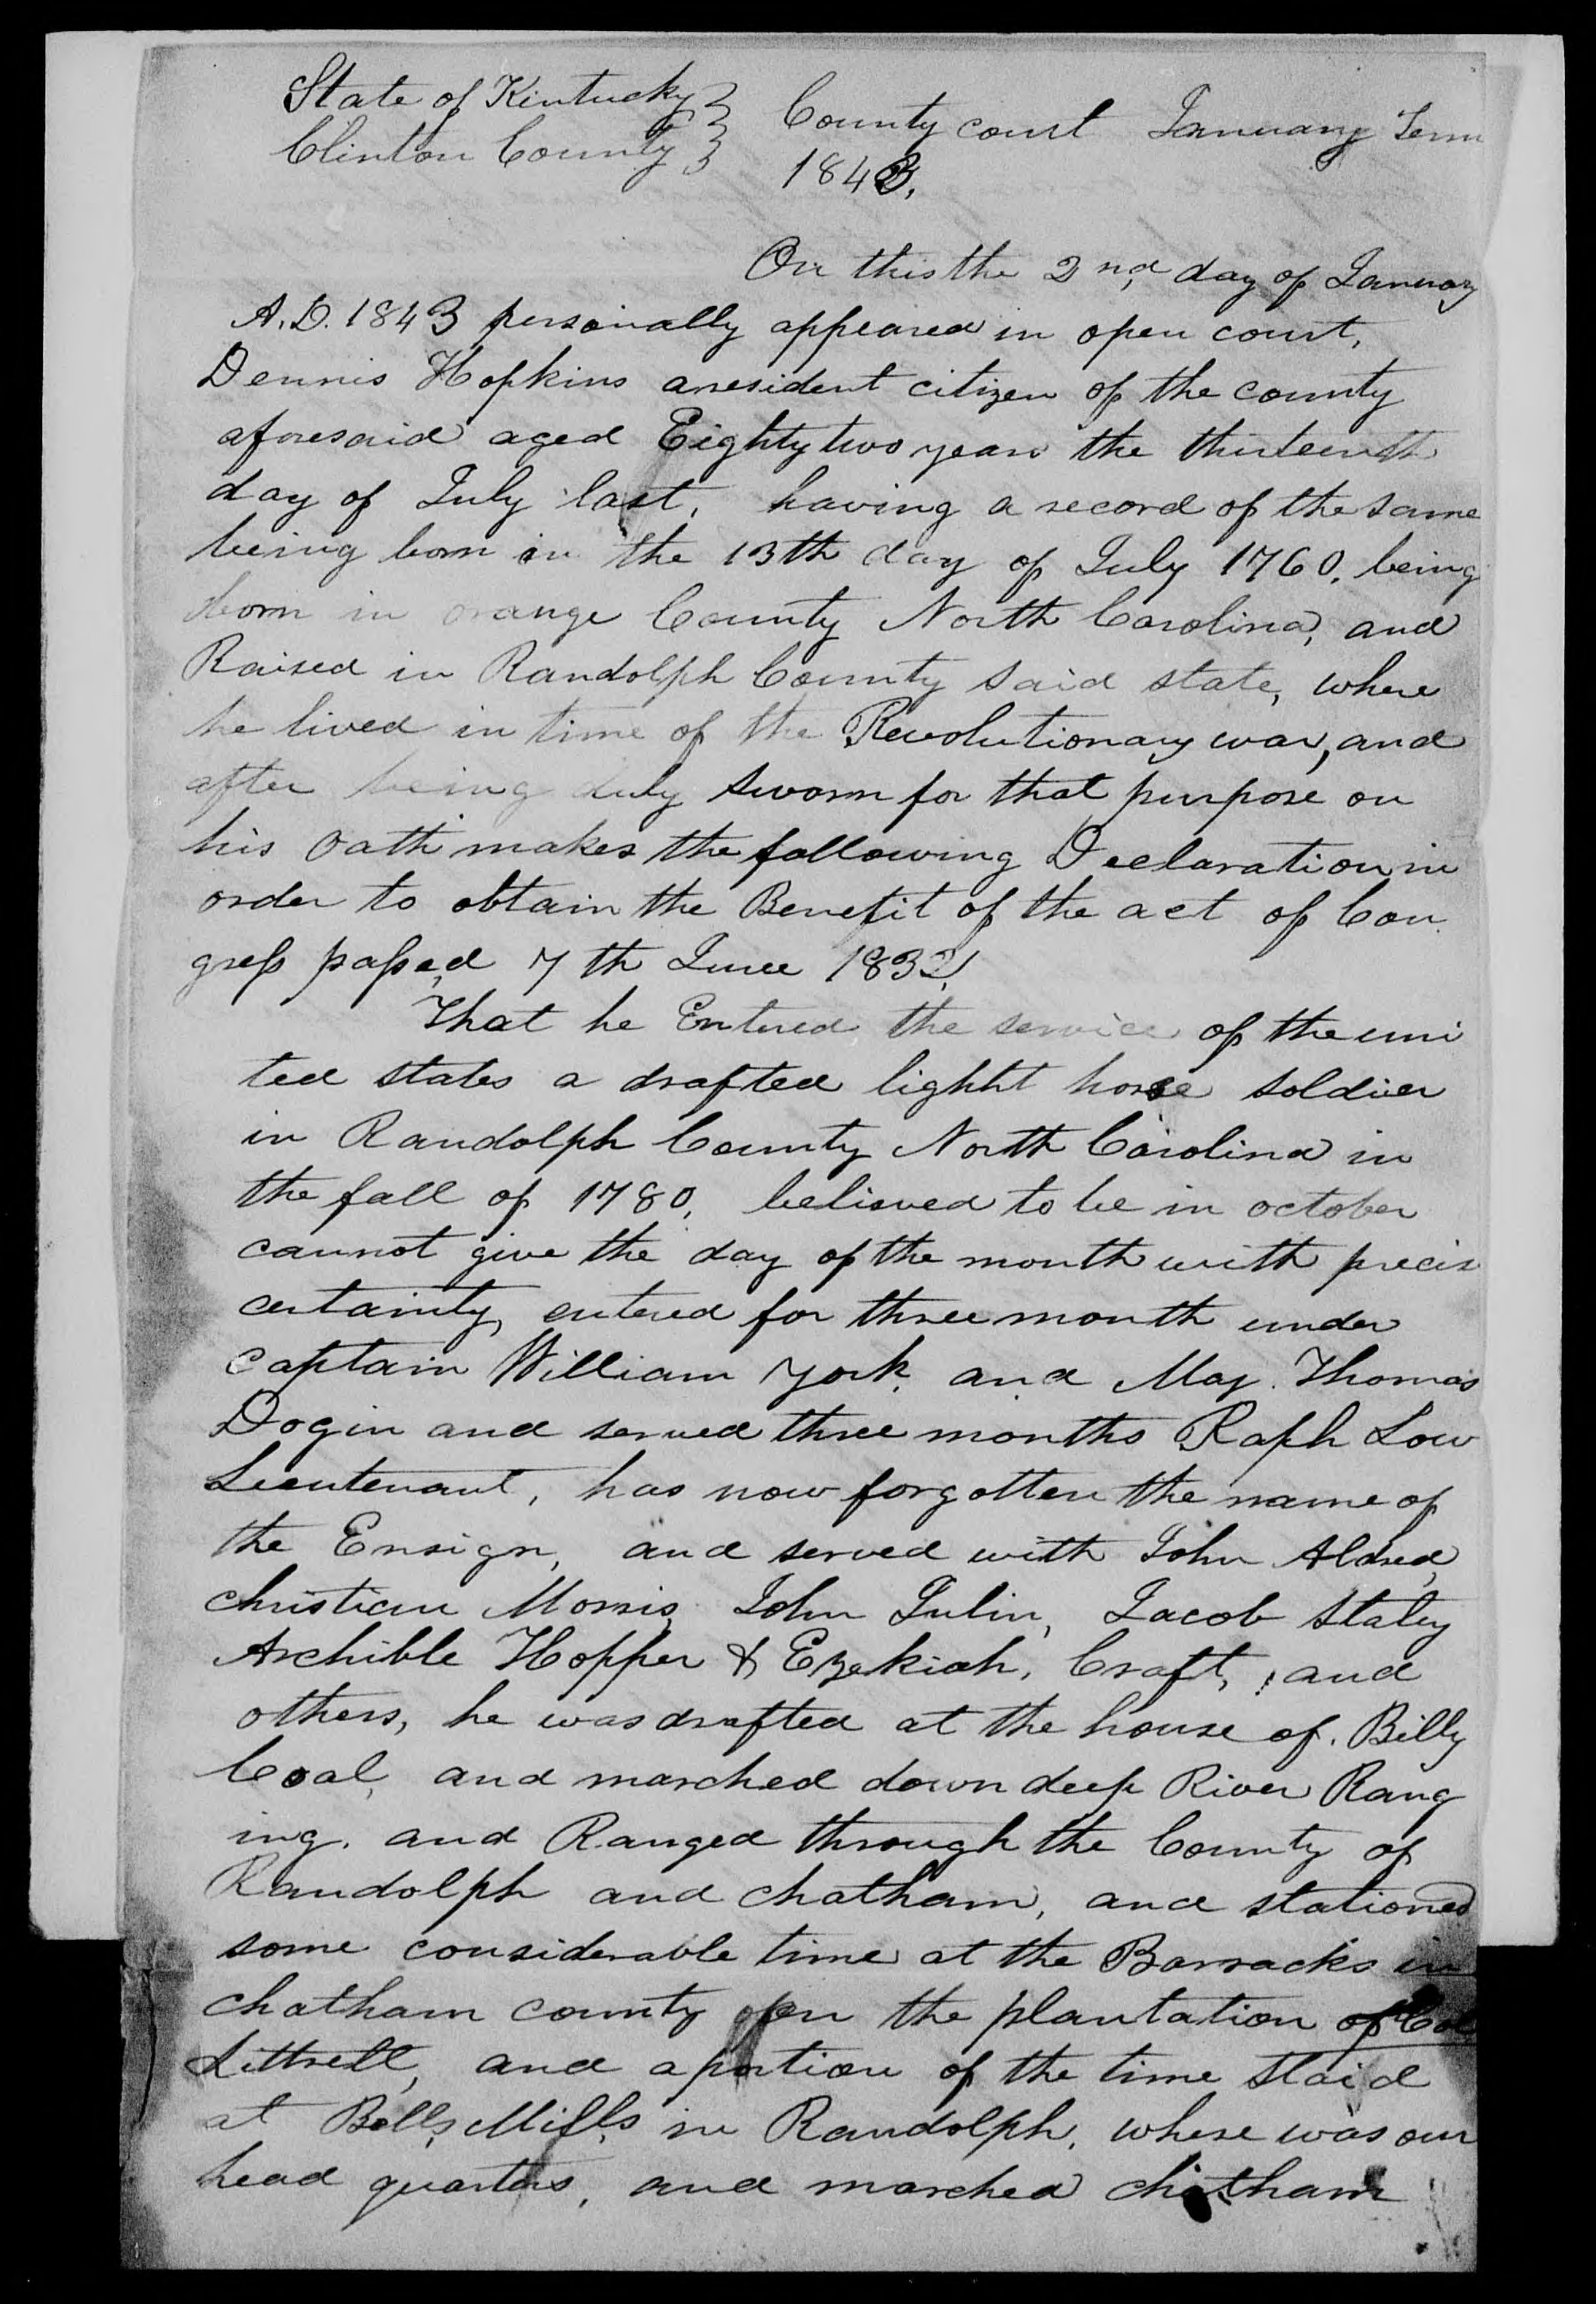State of Kentucky 
Clinton County }      County Court January Term 1848

On this the 2nd day of January A.D. 1843 personally appeared in open court, Dennis Hopkins a resident citizen of the county aforesaid aged eighty two years the thirteenth day of July last, having a record of the same being born in the 13th day of July 1760, being born in Orange County North Carolina, and Raised in Randolph County said state, where he lived in time of the Revolutionary War, and after being duly sworn for that purpose on his oath makes the following Declaration, in order to obtain the Benefit of the act of Congress passed 7th June 1832.
     That he entered the service of the United States a drafted light horse soldier in Randolph County North Carolina in the fall of 1780, believed to be in October cannot give the day of the month with precise certainty, entered for three month under captain William York, and Maj Thomas Dogin and served three months Ralph Low Lieutenant, has now forgotten the names of the ensign and served with John Aldred, Christian MOrris, John Julin, Jacob Staley, Archible Hopper, and Ezekiah Craft, and others, he was drafted at the house of Billy Coal and marched down deep River Ringing and Ranged through the county of Randolph and Chatham, and stationed some considerable time at the Barracks in Chatham county for the plantation of COl. Littrell, and a portion of the time staid at Bells Mills in Randolph, where was our head quarters, and marched Chatham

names: William York, Ezekiah Craft, John Aldred, Dennis Hopkins, Christian Morris, Bells Mills, Billy Coal, Jacob Staley, Archible Hopper, Thomas Dogin, John Julin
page: 3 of 144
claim: rejected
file: R. 5208, Dennis Hopkins, N.C.